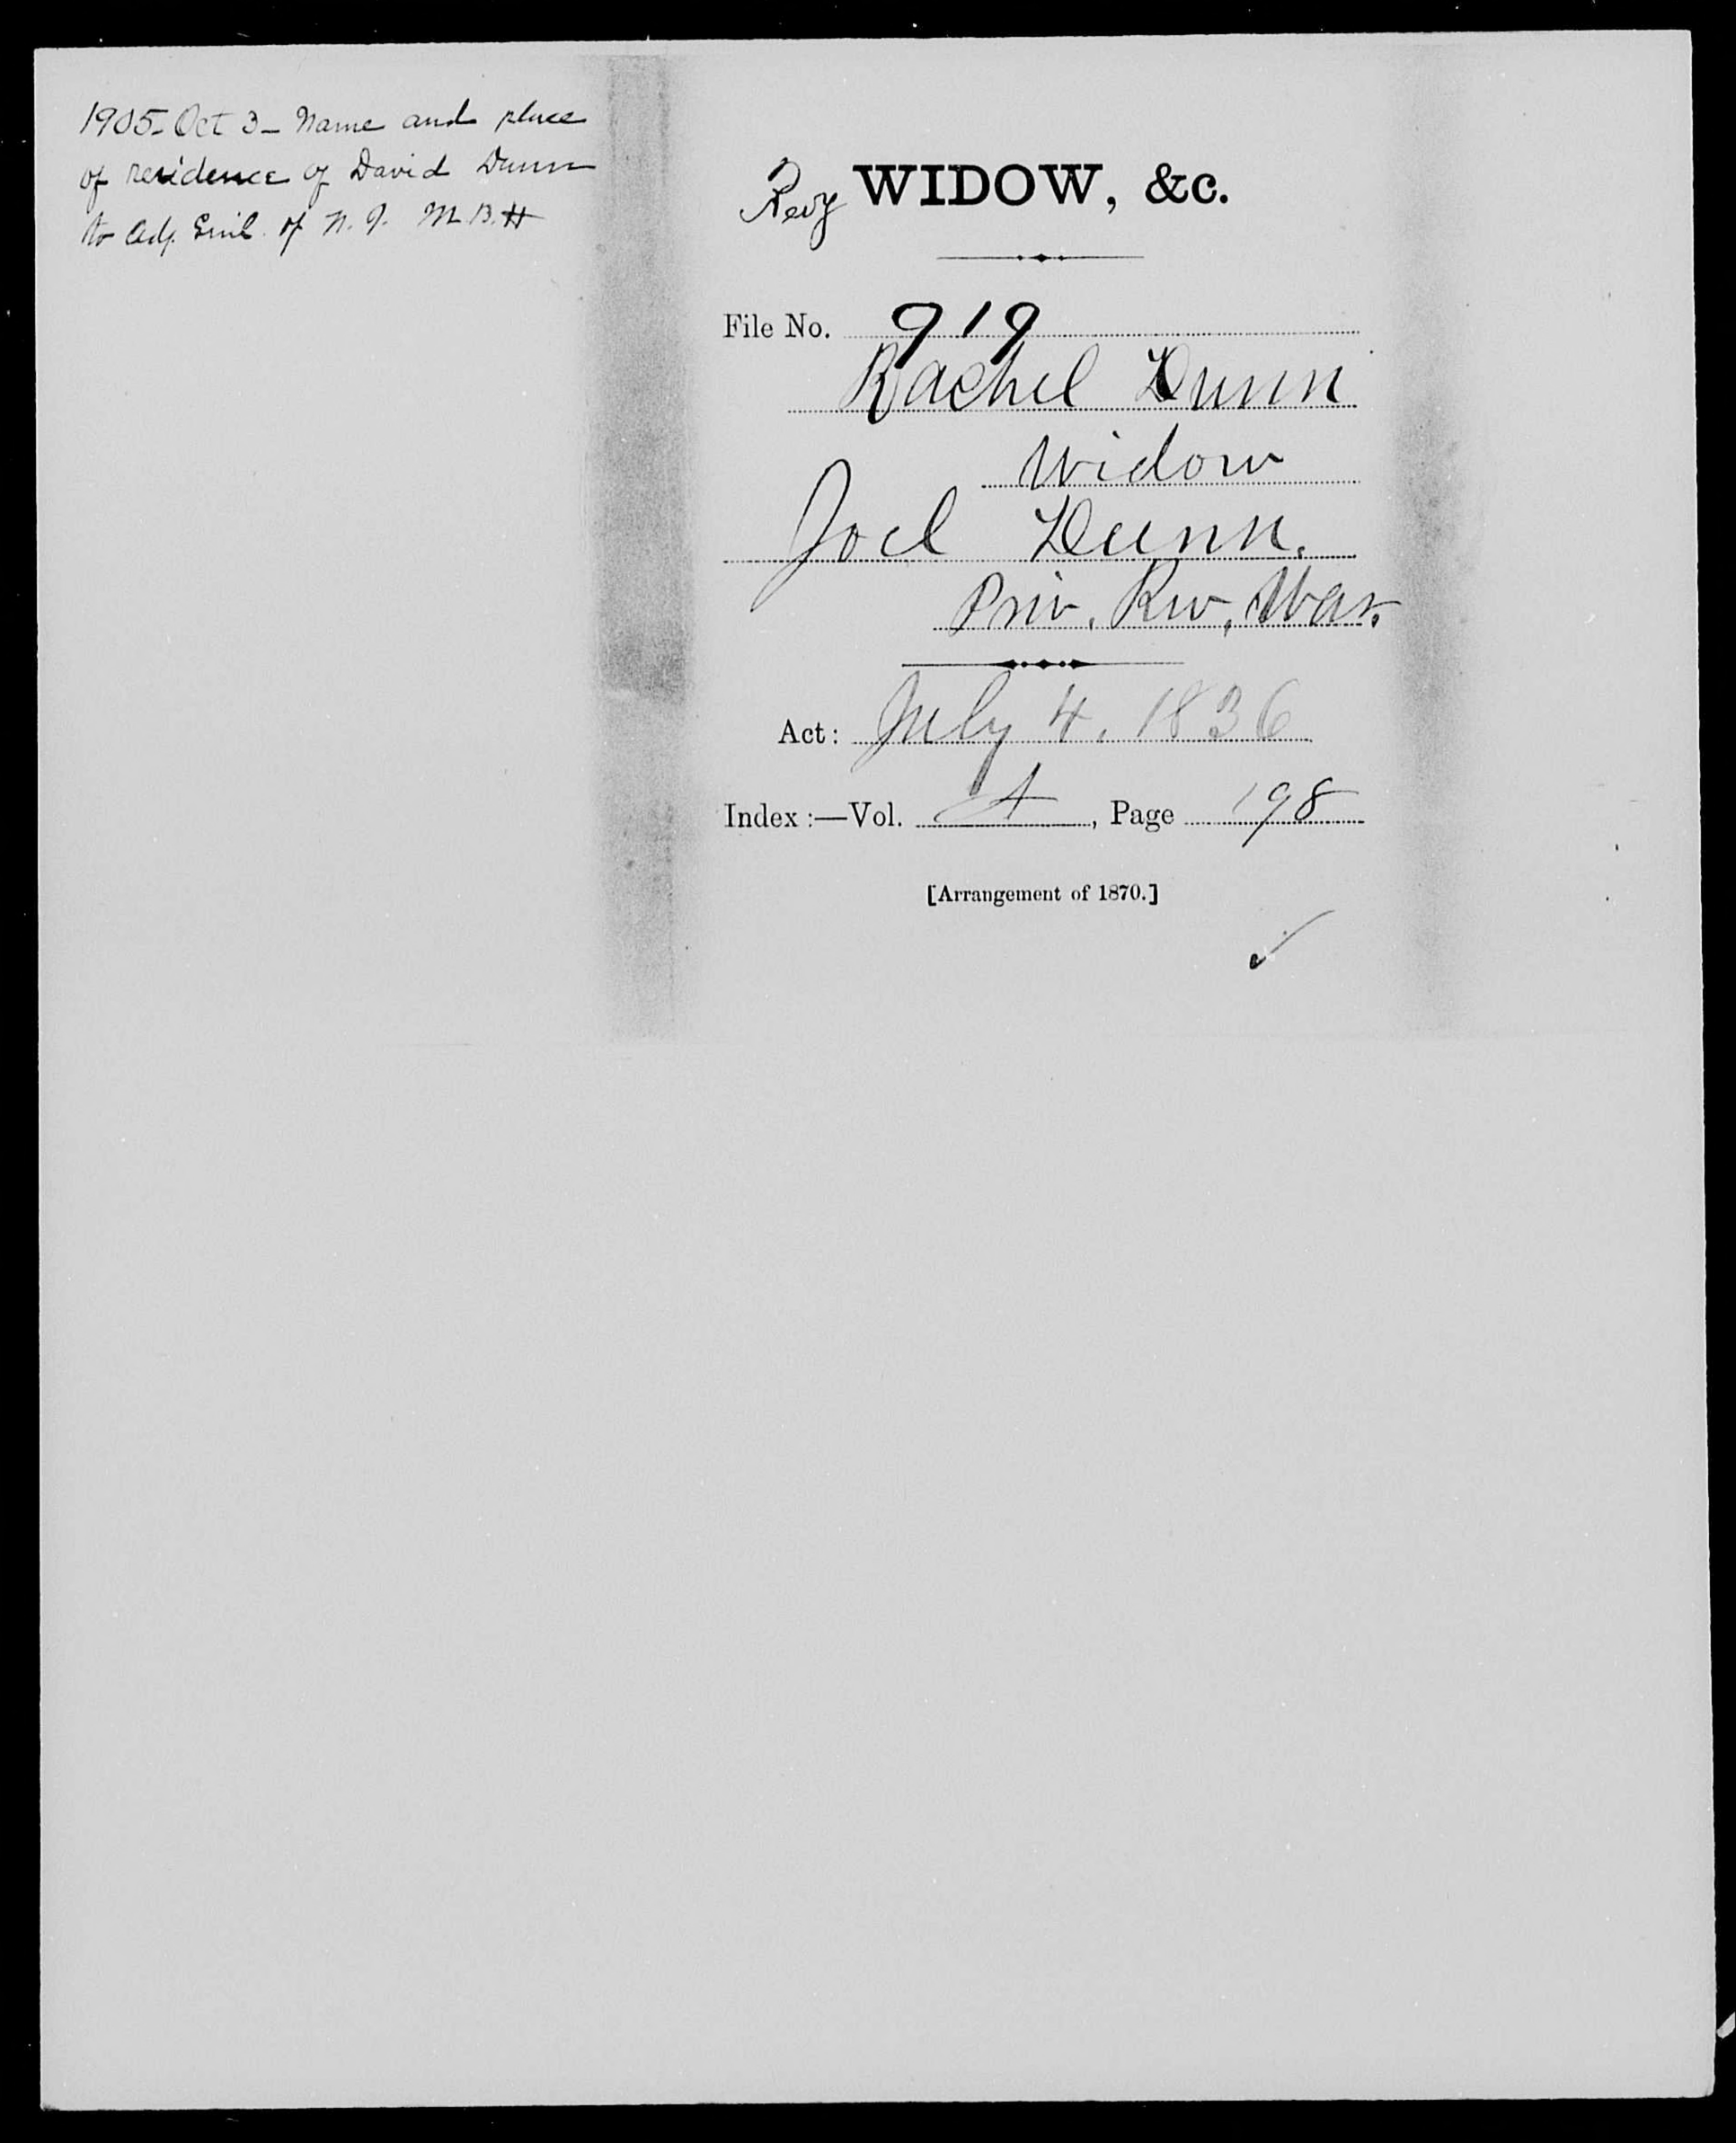1905. Oct 3 - name and place
of residence of David Dunn
to Ad. Emil of N.J. M.B.H.
Revy WIDOW, &c.
File No. 919
Rachel Dunn
Widow
Joel Dunn
Priv. Rev. War.

Act: July 4, 1836
Index:  Vol. A
Page 198
[Arrangement of 1870.]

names: David Dunn, Rachel Dunn, Joel Dunn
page: 23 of 52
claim: widow's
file: W. 919, Joel Dunn, New Jersey